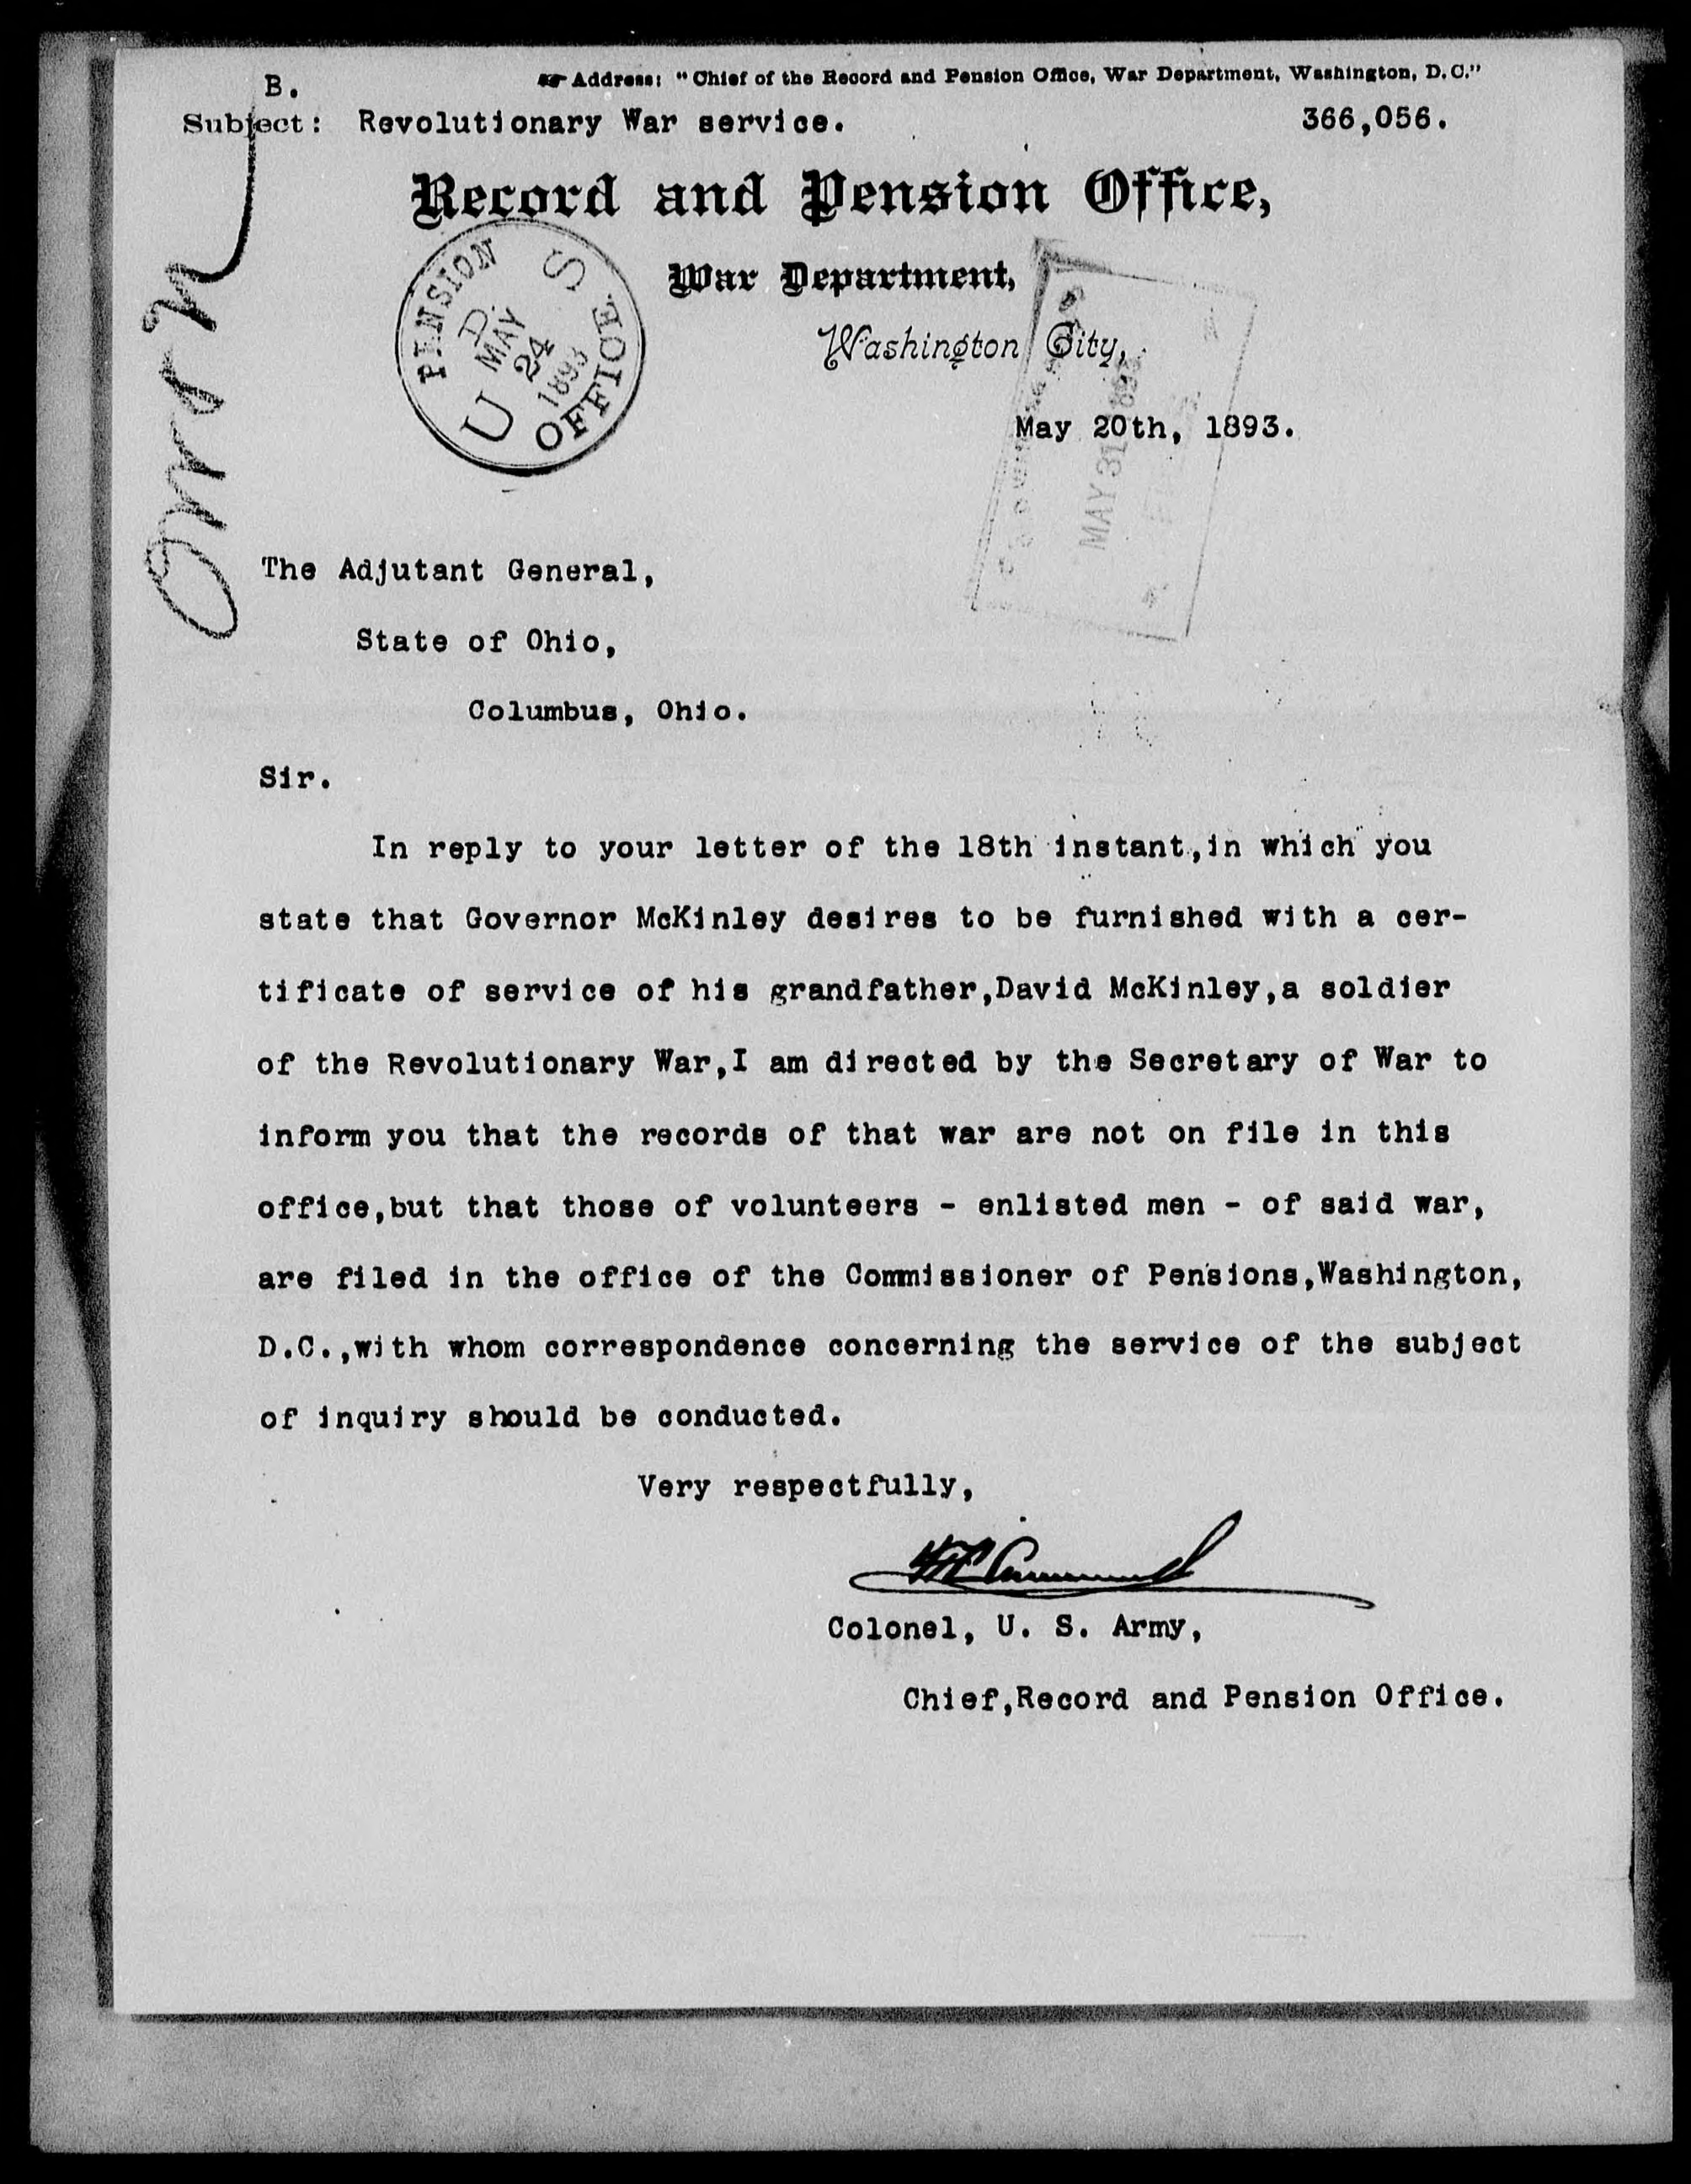[letterhead]
Address: " Chief of the Record and Pension Office, War Department, Washington, D. C."
B.
Subject: Revolutionary War service.
366,056.

[marginal annotation] O W & N

Record and Pension Office,
War Department,
Washington City

May 20th, 1893.

The Adjutant General,
State of Ohio,
Columbus, Ohio.

Sir,
In reply to your letter of the 18th instant, in which you
state that Governor McKinley desires to be furnished with a certificate
of service of his grandfather, David McKinley, a soldier
of the Revolutionary War, I am directed by the Secretary of War to
inform you that the records of that war are not on file in this
office, but that those of volunteers - enlisted men - of said war,
are filed in the office of the Commissioner of Pensions, Washington, 
D.C., with whom correspondence concerning the service of the subject
of inquiry should be conducted.

Very respectfully,
[signature] H. L. [???]
Colonel, U. S. Army,
Chief, Record and Pension Office.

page: 36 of 39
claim: survivor's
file: S. 2812, for David Mc Kinley, Pennsylvania